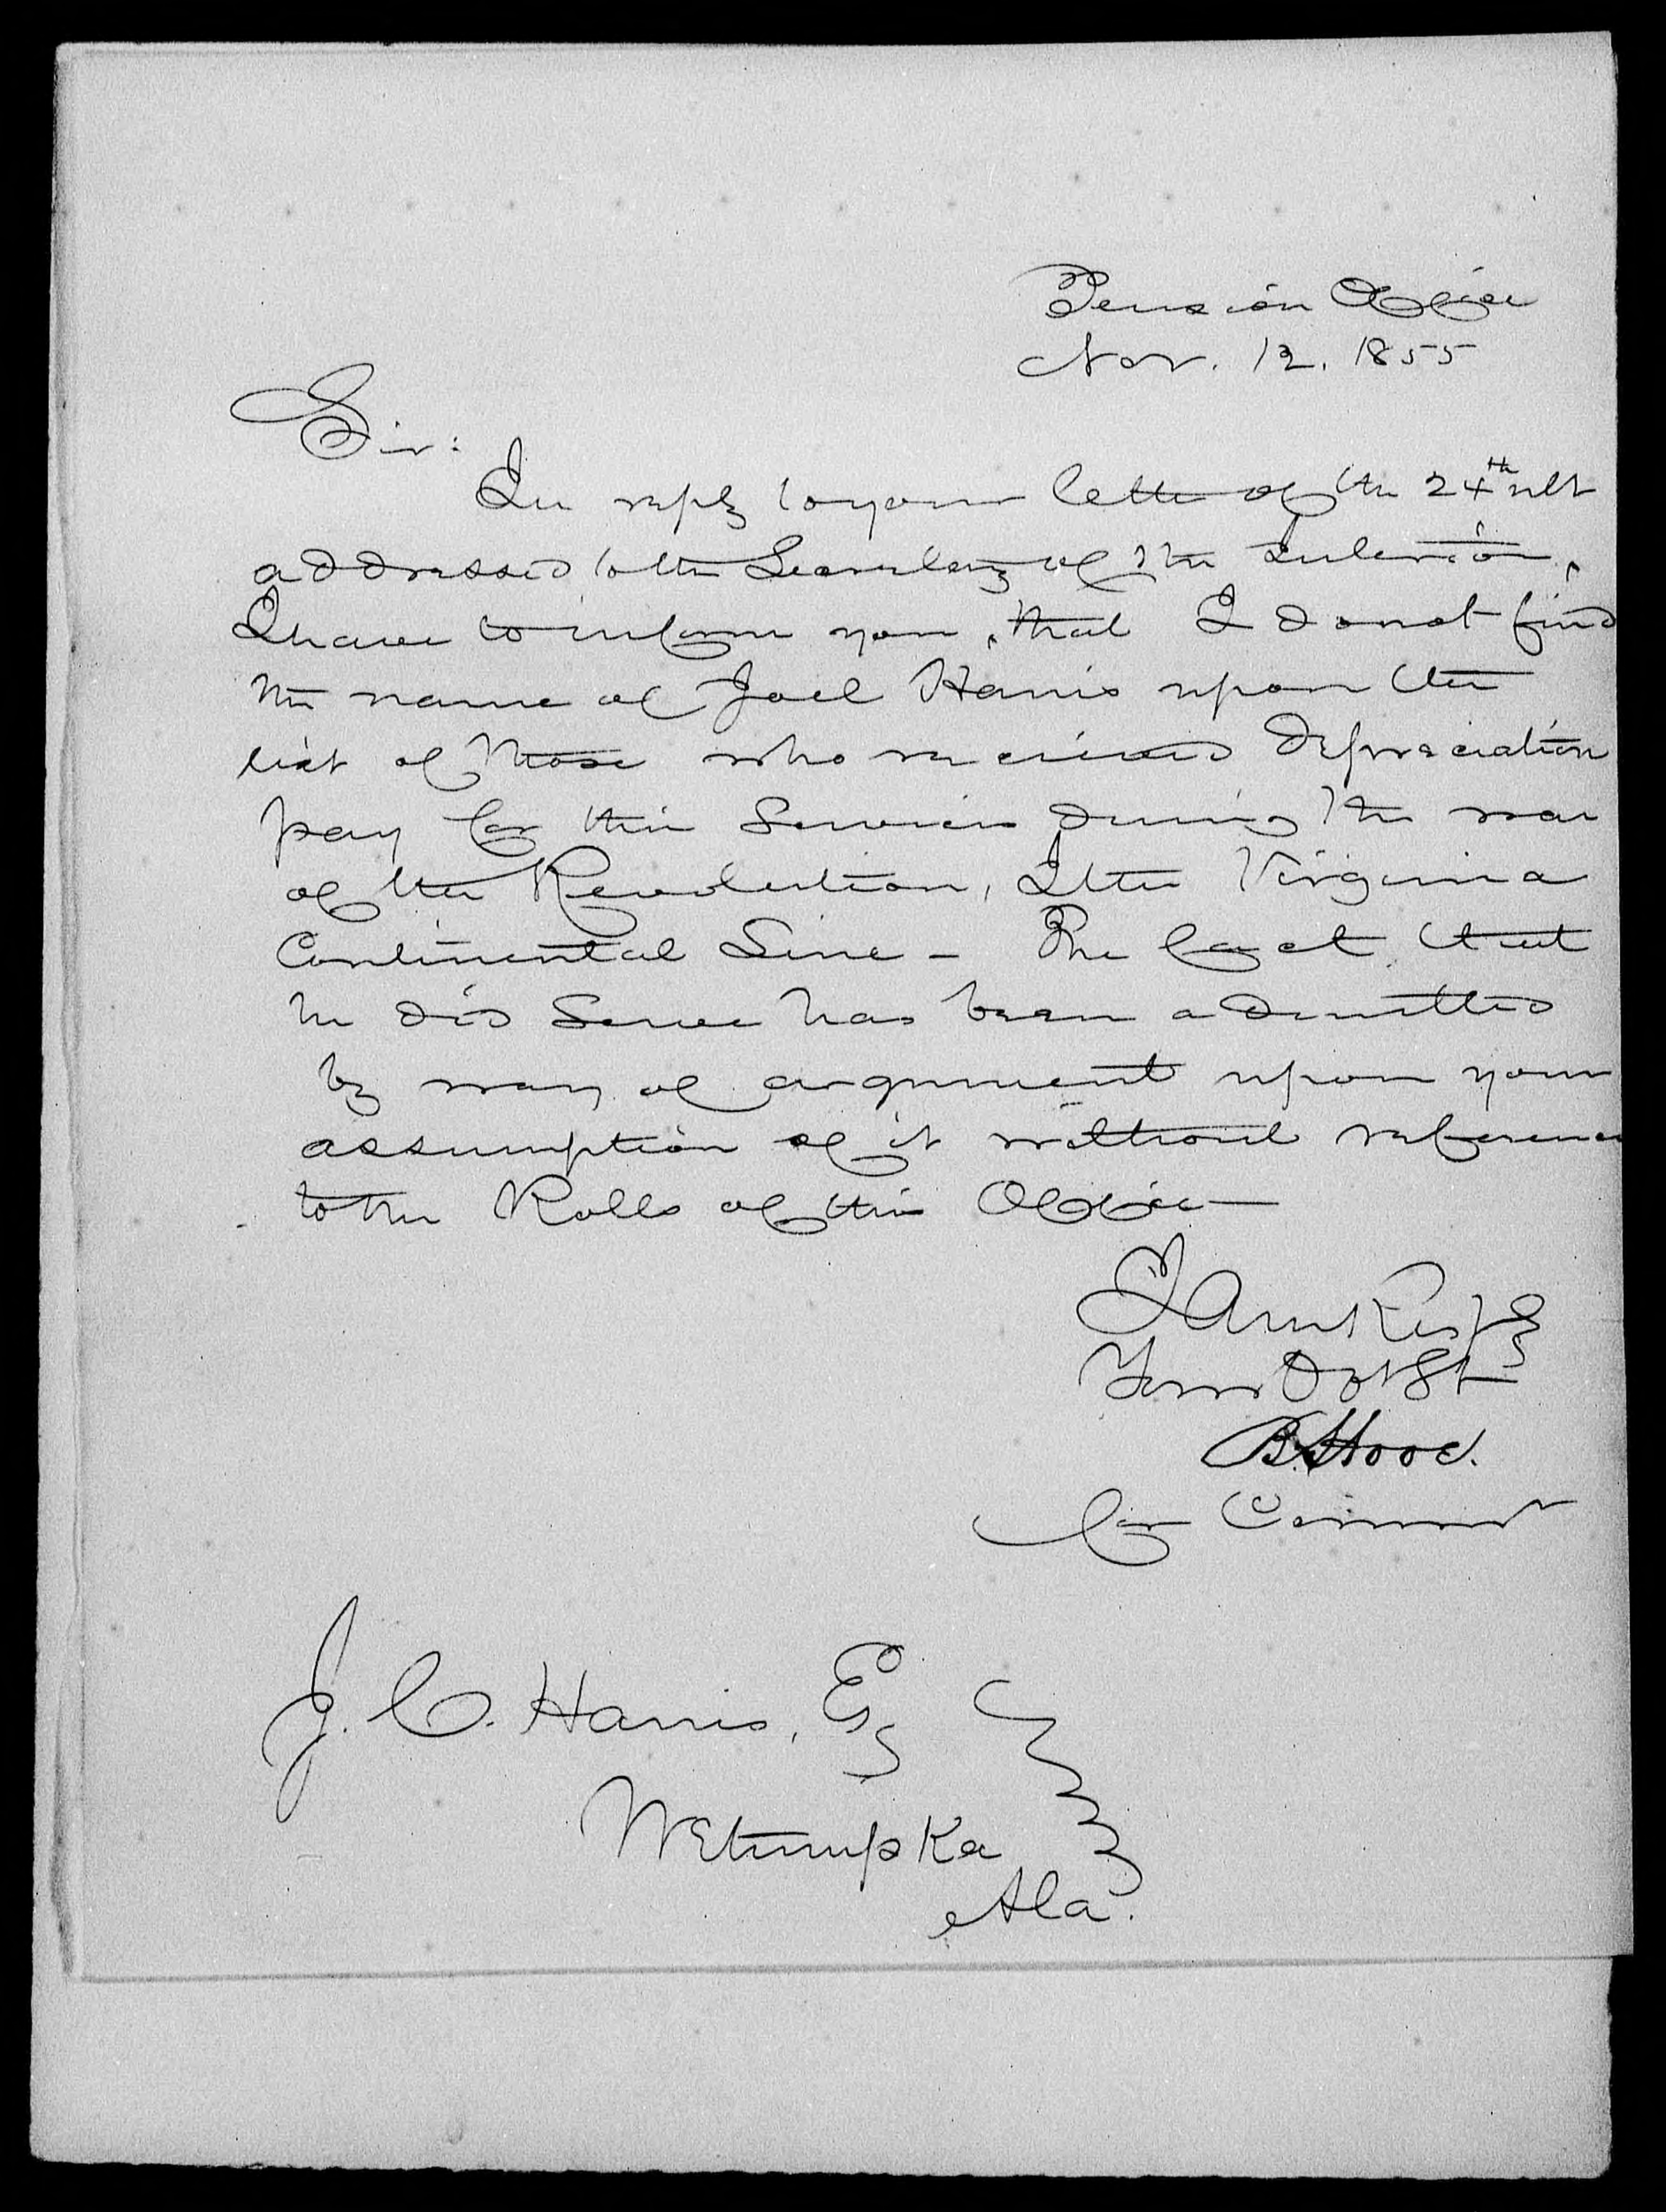Pension Office
Nov. 12, 1855

Sir:
In reply to your letter of the 24th ult. addressed to the Secretary of the Interior, I have to inform you, that I do not find the name of Joel Harris upon the list of those who received depreciation pay for their Services during the war of the Revolution, in the Virginia Continental Line--The fact that he did serve has been admitted by [?] of argument upon your assumption of it without reference to the Rolls of this Office.
I am Resp
Your Obt St
B Hooe
For Commsr

J C. Harris, Esq
Wetumpka
Ala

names: B Hooe, J C Harris, Joel Harris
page: 106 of 160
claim: rejected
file: R. 4666, James Harris, Va.